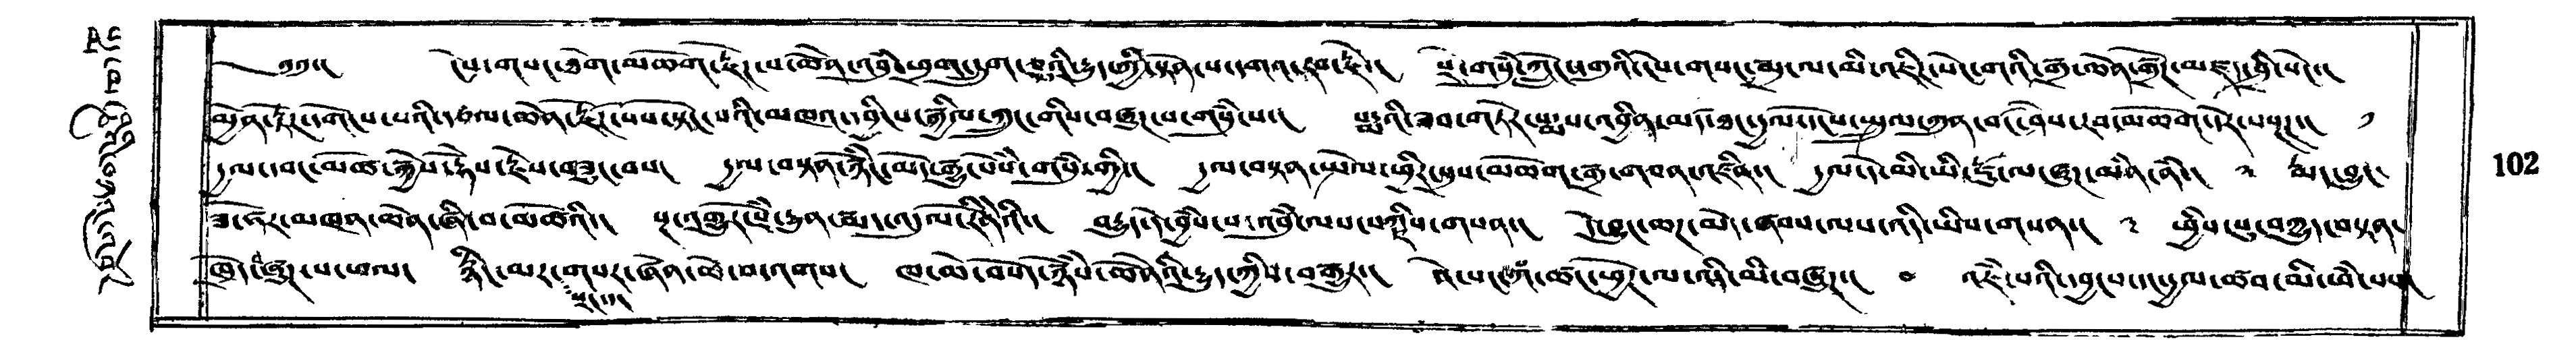ངེས་གསང་ཐེག་མཆོག་རྗོགས་པ་ཆེན་པོ་འབུམ་ཕྲག་དྲུག་ཅུའི་རྒྱུད་ཀྱི་སྟོན་པ་དགའ་རབ་རྗེ། །སྡེ་གསུམ་ཀློང་དགུའི་ངེས་གསང་སྨྲ་ལ་མི་འཇིགས་སེང་གེའི་སྒྲ་ཆེན་སྒྲོགས་མཛད་ཤྲཱི་སེང་། །
མཁྱེན་རྟོགས་དགོངས་པའི་རྩལ་ཆེན་རྫོགས་པས་སྟོང་པའི་མཁའ་དབྱིངས་སྐྱིལ་ཀྲུང་གིས་བཞུགས་ས་གསུམ་པ། །པདྨའི་ཟབ་གཏེར་པདྨས་འབྱིན་མཛད་ཐང་རྒྱལ་དངོས་སྤྲུལ་ཀུན་བཟང་ཤེས་རབ་མཆོག་དེར་བསྔགས། ། ༡༽ 
རྒྱལ་དབང་མཚོ་སྐྱེས་རྡོ་རྗེས་རྗེས་བཟུང་བས། །རྒྱལ་བསྟན་སྙིང་པོ་མདོ་སྒྱུ་སེམས་གསུམ་གྱི། །རྒྱལ་བསྟན་སྤེལ་ཕྱིར་སྲས་མཆོག་སྒྲ་གཅན་འཛིན། །རྒྱལ་དེ་མི་ཡི་རྫུ་ལ་ཞུགས་མིན་ནམ། ། ༢༽ རྨད་བྱུང་
ཟ་ཧོར་མཁན་ཆེན་ཞི་བ་འཚོའི། །སྔ་འགྱུར་སྡོམ་རྒྱུན་སྨད་འདུལ་རིན་པོ་ཆེའི། །བརྒྱུད་དེ་བྱམས་པ་འབུམ་ལས་པཀྵིས་གསན། །དེ་བྱུང་ཆགས་མཻད་ཞབས་ལས་འདི་ཡིས་གསན། ། ༣༽ ཕྱིས་སུ་བཀའ་བརྒྱུད་བསྟན་
ཁྲོད་བཞུགས་པ་ཕལ། །རྙིང་མར་སྡང་དང་གསར་ཞེན་ཆེ་བ་འགས། །ཁ་ཆེ་བསོད་སྙོམས་ཆེན་པོའི་བརྒྱུད་ཀྱིས་བསྒྱུར། །དེང་སང་ཀམ་ཚང་ཕྱོགས་ལ་འདི་མི་བཞུགས། ། ༤༽ འཇམ་པའི་དབྱངས་དང་རྒྱལ་ཚབ་མི་ཕམ་པས།